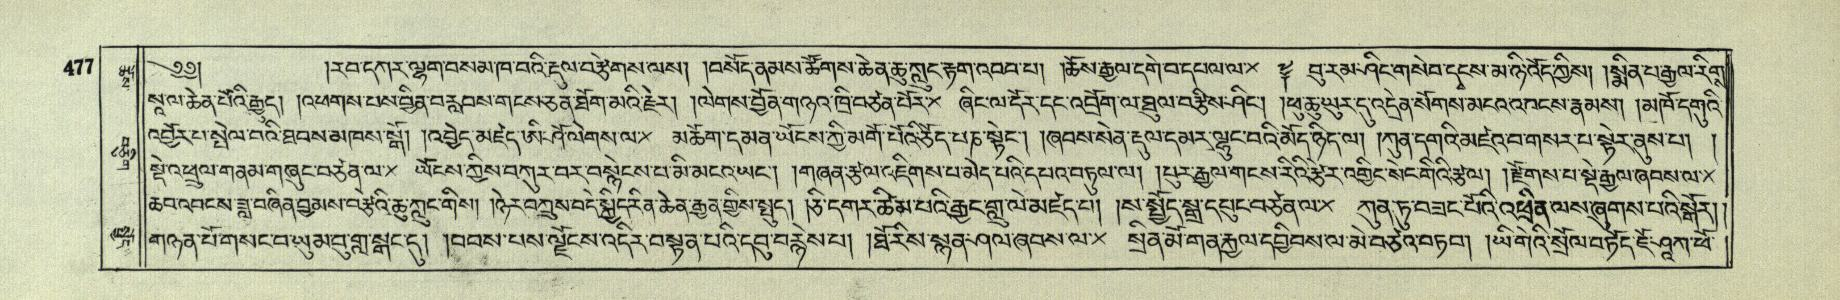༄༅། །རབ་དཀར་ལྷག་བསམ་ཁ་བའི་རྡུལ་བརྩེགས་ལས། །བསོད་ནམས་ཚོགས་ཆེན་ཆུ་ཀླུང་རྟག་འབབ་པ། །ཆོས་རྒྱལ་དགེ་བ་དཔལ་ལ་྾་འ་བུ་རམ་ཤིང་གསེབ་དྭངས་མ་ཉི་འོད་ཀྱིས། །སྨིན་པ་རྒྱལ་རིགས་
སཱ་ལ་ཆེན་པོའི་རྒྱུད། །འཕགས་པས་བྱིན་བརླབས་གངས་ཅན་ཐོག་མའི་རྗེར། །ལེགས་བྱོན་གཉའ་ཁྲི་བཙན་པོར་྾་ཞིང་ལ་དོར་དང་འབྲོག་ལ་ཐུལ་བརྩིས་ཤིང་། །ཕུ་ཆུ་ཡུར་དུ་འདྲེན་སོགས་མངའ་འབངས་རྣམས། །མཁོ་དགུའི་
འབྱོར་པ་སྤེལ་བའི་ཐབས་མཁས་སྒོ། །འབྱེད་མཛད་ཨི་ཤོ་ལེགས་ལ་྾་མཆོག་དམན་ཡོངས་ཀྱི་མགོ་པོའི་ཅོད་པཎ་སྟེང་། །ཞབས་སེན་རྡུལ་དམར་ལྷུང་བའི་མོད་ཉིད་ལ། །ཀུན་དགའི་མཛའ་བ་གསར་པ་སྟེར་ནུས་པ། །
སྡེ་འཕྲུལ་གནམ་གཞུང་བཙན་ལ་྾་ཡོངས་ཀྱིས་བཀུར་བར་བསྙེངས་པ་མི་མངའ་ཡང་། །གཞན་རྩལ་འཇིགས་པ་མེད་པའི་དཔའ་བཏུལ་ལ། །པུར་རྒྱལ་གངས་རིའི་རྩེར་འགྱིང་སེང་གིའི་རྩལ། །རྫོགས་པ་སྡེ་རྒྱལ་ཞབས་ལ་྾་
ཆབ་འབངས་ཟླ་བཞིན་བྱམས་བརྩེའི་ཆུ་ཀླུང་གིས། །ཉེར་བཀྲུས་བདེ་སྐྱིད་རིན་ཆེན་རྒྱན་གྱིས་སྤུད། །ཅི་དགར་ཚིམ་པའི་རྒྱང་གླུ་ལེ་མཛད་པ། །ས་སྤྱོད་སྒྲ་དཔུང་བཙན་ལ་྾་ཀུན་ཏུ་བཟང་པོའི་འཕྲིན་ལས་ཞུགས་པའི་སྒོར།
གཉན་པོ་གསང་བ་ཡུམ་བུ་གླ་སྒང་དུ། །བབས་པས་ལྗོངས་འདིར་བསྟན་པའི་དབུ་བརྙེས་པ། །ཐོ་རིས་སྙན་ཤལ་ཞབས་ལ་྾་སྲིན་མོ་གན་རྐྱལ་དབྱིབས་ལ་མེ་བཙའ་བཏབ། །ཡི་གེའི་སྲོལ་བཏོད་ཇོ་ཤཱཀ་ཕོ་